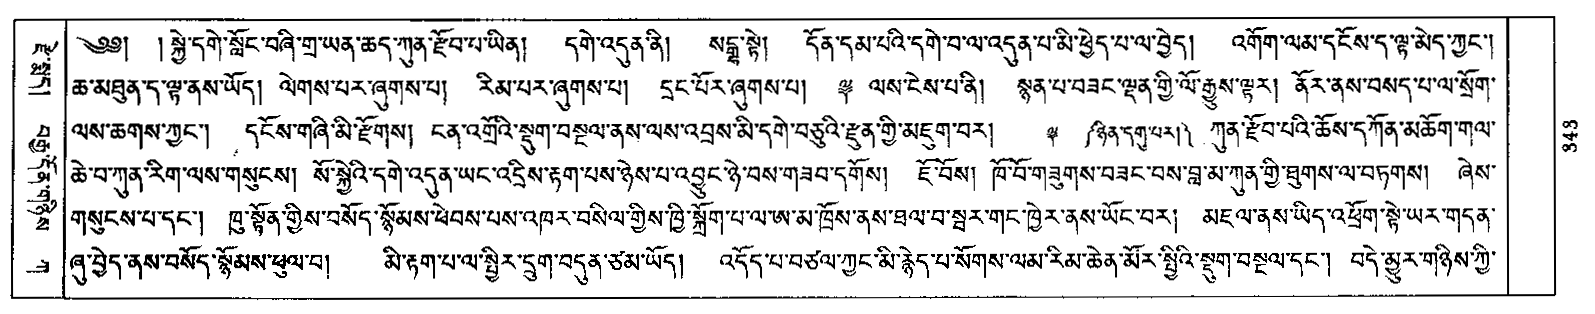༄༅། །སྐྱེ་དགེ་སློང་བཞི་གྲ་ཡན་ཆད་ཀུན་རྫོབ་པ་ཡིན། དགེ་འདུན་ནི། སངྒྷ་སྟེ། དོན་དམ་པའི་དགེ་བ་ལ་འདུན་པ་མི་ཕྱེད་པ་ལ་བྱེད། འགོག་ལམ་དངོས་ད་ལྟ་མེད་ཀྱང་།
ཆ་མཐུན་ད་ལྟ་ནས་ཡོད། ལེགས་པར་ཞུགས་པ། རིམ་པར་ཞུགས་པ། དྲང་པོར་ཞུགས་པ། ༈ ལས་ངེས་པ་ནི། སྙན་པ་བཟང་ལྡན་གྱི་ལོ་རྒྱུས་ལྟར། ནོར་ནས་བསད་པ་ལ་སྲོག་
ལས་ཆགས་ཀྱང་། དངོས་གཞི་མི་རྫོགས། ངན་འགྲོའི་སྡུག་བསྔལ་ནས་ལས་འབྲས་མི་དགེ་བཅུའི་རྫུན་གྱི་མཇུག་བར། ༈ ཉིན་དགུ་པར།?་ཀུན་རྫོབ་པའི་ཆོས་དཀོན་མཆོག་གལ་
ཆེ་བ་ཀུན་རིག་ལས་གསུངས། སོ་སྐྱེའི་དགེ་འདུན་ཡང་འདྲིས་རྟག་པས་ཉེས་པ་འབྱུང་ཉེ་བས་གཟབ་དགོས། ཇོ་བོས། ཁོ་བོ་གཟུགས་བཟང་བས་བླ་མ་ཀུན་གྱི་ཐུགས་ལ་བཏགས། ཞེས་
གསུངས་པ་དང་། ཁུ་སྟོན་གྱིས་བསོད་སྙོམས་ཕེབས་པས་འཁར་བསིལ་གྱིས་ཁྱི་སྐྲོག་པ་ལ་ཨ་མ་ཁྲོས་ནས་ཐལ་བ་སྦར་གང་ཁྱེར་ནས་ཡོང་བར། མཇལ་ནས་ཡིད་འཕྲོག་སྟེ་ཡར་གདན་
ཞུ་བྱེད་ནས་བསོད་སྙོམས་ཕུལ་བ། མི་རྟག་པ་ལ་སྤྱིར་དྲུག་བདུན་ཙམ་ཡོད། འདོད་པ་བཙལ་ཀྱང་མི་རྙེད་པ་སོགས་ལམ་རིམ་ཆེན་མོར་སྤྱིའི་སྡུག་བསྔལ་དང་། བདེ་མྱུར་གཉིས་ཀྱི་